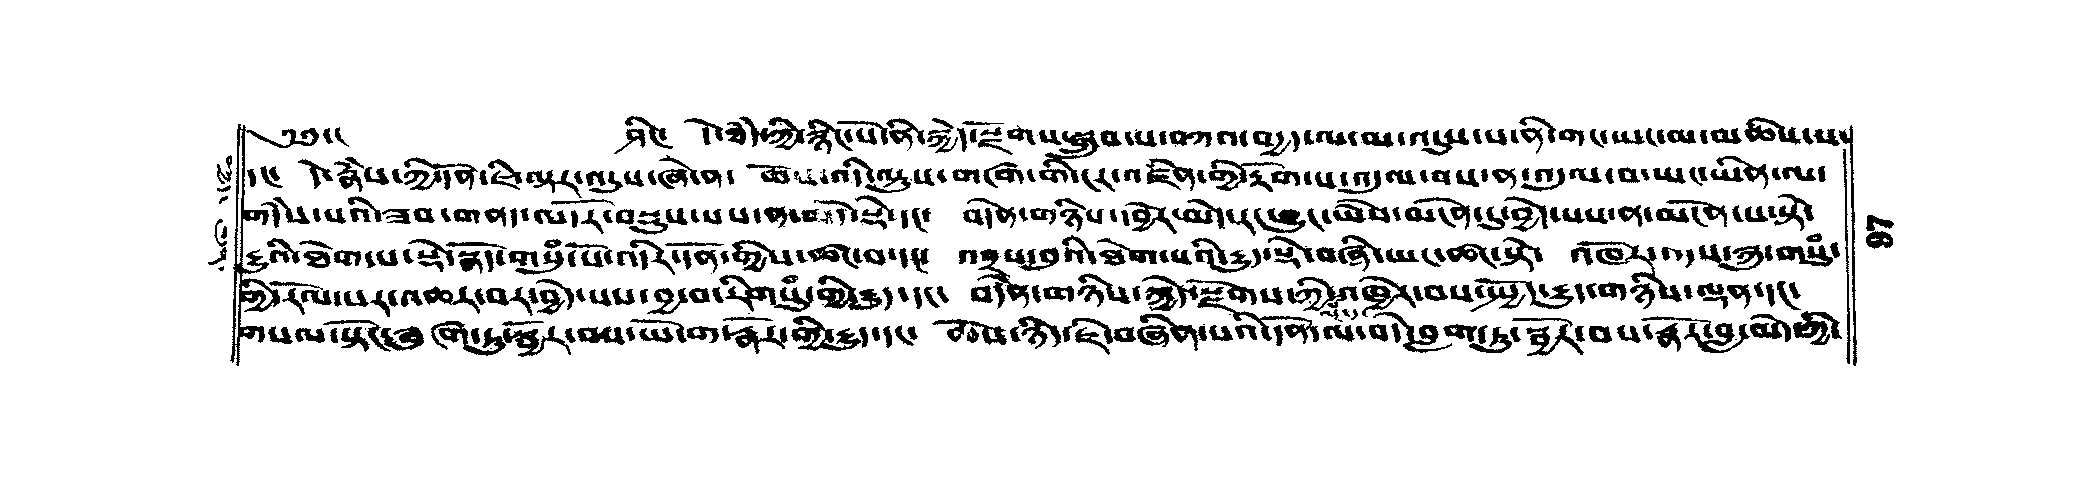ཤིང་། དེ་ཐམས་ཅད་ཀྱི་སྙིང་པོ་ནི་སྐྱེད་རྫོགས་སྒྲུབ་པ་བཀའ་བརྒྱད་ལ་མ་འདུས་པ་ནི་གང་ཡང་མ་མཆིས་པ་
དང་། དེ་རྣམས་ཀྱི་དོན་ཇི་ལྟར་འུད་ཞེ་ན། ཆོས་འདི་ལྟ་བུས་གང་ཟག་གི་ངར་འཛིན་གྱི་རྟོག་པ་འདུལ་བས་ན་འདུལ་བ་ཡང་ཡིན་ལ་
གདམས་པའི་ཟབ་གནད་མདོར་བསྡུས་པས་ན་མདོ་སྡེ་དང་། བདེན་གཉིས་དབྱེར་མེད་རང་བྱུང་མེད་རང་བྱུང་ཡེ་ཤེས་མངོན་དུ་བྱེད་པས་ན་མངོན་པ་སྟེ།
རྒྱུའི་ཐེག་པ་སྡོ་སྣོད་གསུམ་པོ་འདི་དོན་གྱིས་ཚང་བ་དང་། འབྲས་བུའི་ཐེག་པའི་རྒྱུད་སྡེ་བཞི་ཡང་ཚང་སྟེ། འཁོར་འདས་སྐུ་གསུམ་
གྱི་རོལ་པར་འཆར་བ་བྱེད་པས་བྱ་བ་རིག་གསུམ་ཡི་རྒྱུད་དང་། བདེ་ཆེན་གཉིས་སྐྱེད་རྫོགས་ཀྱི་ལམ་དུ་འཁྱེར་བས་སྤྱོད་རྒྱུད་གཉིས་ལྡན་དང་
གསལ་སྟོང་ཟུང་ངག་ཏུ་སྦྱོར་བས་ཡོ་ག་རྣལ་འབྱོར་གྱི་རྒྱུད་དང་། ཆོས་ཉིད་ཇི་བཞིན་པའི་དོན་ལ་བདེ་བླག་ཏུ་སྦྱོར་བས་རྣལ་འབྱོར་བླ་མེད་ཀྱི་